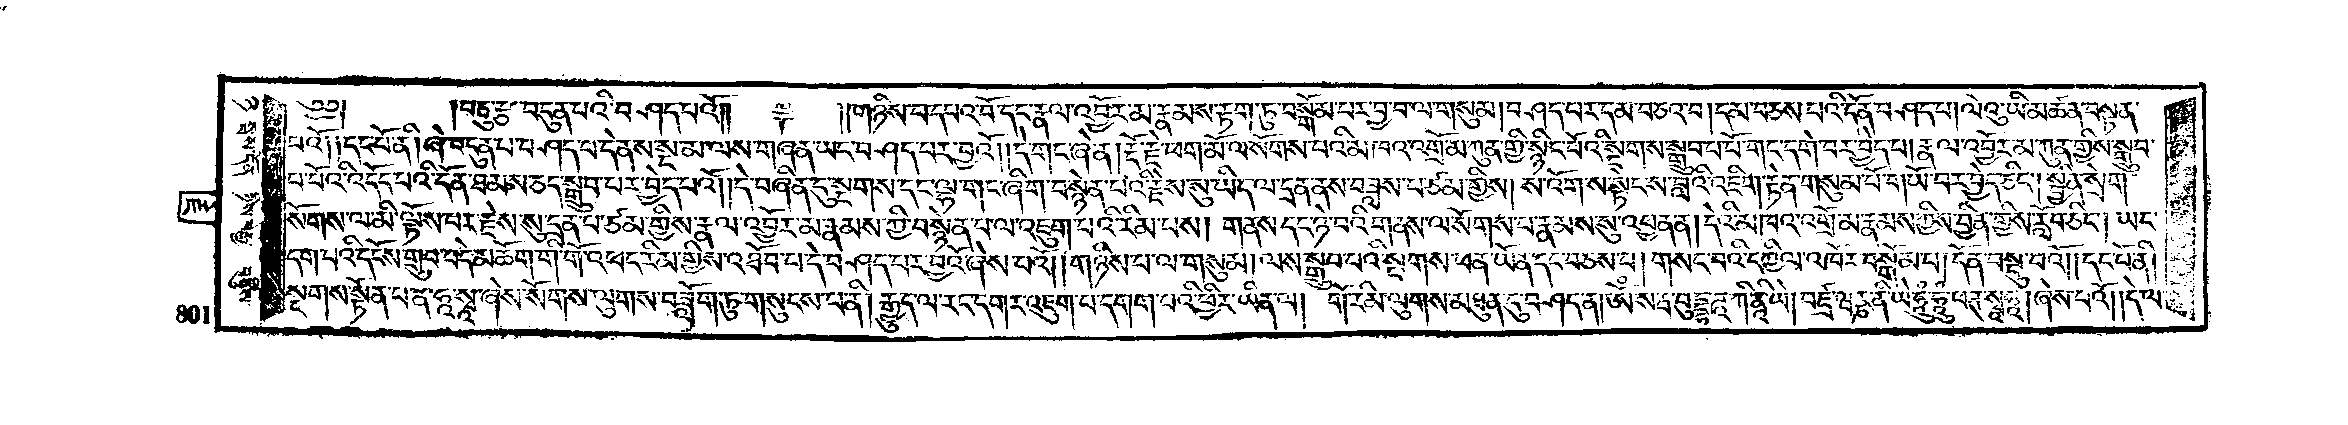༄༅། །བཅུ་རྩ་བདུན་པའི་བཤད་པའོ།། ༈ །།གཉིས་པ་དཔའ་བོ་དང་རྣལ་འབྱོར་མ་རྣམས་རྟག་ཏུ་བསྒོམ་པར་བྱ་བ་ལ་གསུམ། བཤད་པར་དམ་བཅའ་བ། དམ་བཅས་པའི་དོན་བཤད་པ། ལེའུ་ཡི་མཚན་བསྟན་
པའོ། །དང་པོ་ནི། ཞེ་བདུན་པ་བཤད་པ་དེ་ནས་སྔ་མ་ལས་གཞན་ཡང་བཤད་པར་བྱའོ། །དེ་གང་ཞེ་ན། རྡོ་རྗེ་ཕག་མོ་ལ་སོགས་པའི་མཁའ་འགྲོ་མ་ཀུན་གྱི་སྙིང་པོའི་སྔགས་སྒྲུབ་པ་པོ་གང་དགེ་བར་བྱེད་པ། རྣལ་འབྱོར་མ་ཀུན་གྱིས་སྒྲུབ་
པ་པོའི་འདོད་པའི་དོན་ཐམས་ཅད་སྒྲུབ་པར་བྱེད་པའོ། །དེ་བཞིན་དུ་སྔགས་དང་ལྷ་གང་ཞིག་བསྙེན་པའི་རྗེས་སུ་ཡིད་ལ་དྲན་ནས་བཟླས་པ་ཙམ་གྱིས། ས་འོག་ས་སྟེང་ས་བླའི་འཇིག་རྟེན་གསུམ་པོ་གཡོ་བར་བྱེད་ཅིང་། སྦྱིན་སྲེག་
སོགས་ལ་མི་ལྟོས་པར་རྗེས་སུ་དྲན་པ་ཙམ་གྱིས་རྣལ་འབྱོར་མ་རྣམས་ཀྱི་བསྙེན་པ་ལ་འཇུག་པའི་རིམ་པས། གནས་དང་ཉེ་བའི་གནས་ལ་སོགས་པ་རྣམས་སུ་འཕྱན་ན། དེའི་མཁའ་འགྲོ་མ་རྣམས་ཀྱིས་བྱིན་གྱིས་རློབ་ཅིང་། ཡང་
དག་པའི་དངོས་གྲུབ་བདེ་མཆོག་གི་གོ་འཕང་རིམ་གྱིས་འཐོབ་པ་དེ་བཤད་པར་བྱའོ་ཞེས་པའོ། །གཉིས་པ་ལ་གསུམ། ལས་སྒྲུབ་པའི་སྔགས་ཕན་ཡོན་དང་བཅས་པ། གསང་བའི་དཀྱིལ་འཁོར་བསྒོམ་པ། དོན་བསྡུ་བའོ། །དང་པོ་ནི།
སྔགས་སྟོན་པ་ན་ཧཱ་སྭཱ་ཞེས་སོགས་ལུགས་བཟློག་ཏུ་གསུངས་པ་ནི། རྒྱུད་ལ་རང་དགར་འཇུག་པ་དགག་པའི་ཕྱིར་ཡིན་ལ། གོ་རིམ་ལུགས་མཐུན་དུ་བཤད་ན། ཨོཾ་སརྦ་བུདྡྷ་ཌཱ་ཀི་ནཱི་ཡེ། བཛྲ་ཝརྞ་ནི་ཡེ་ཧཱུཾ་ཧཱུཾ་ཕཊ་སྭཱཧཱ། ཞེས་པའོ། །དེ་ལ་